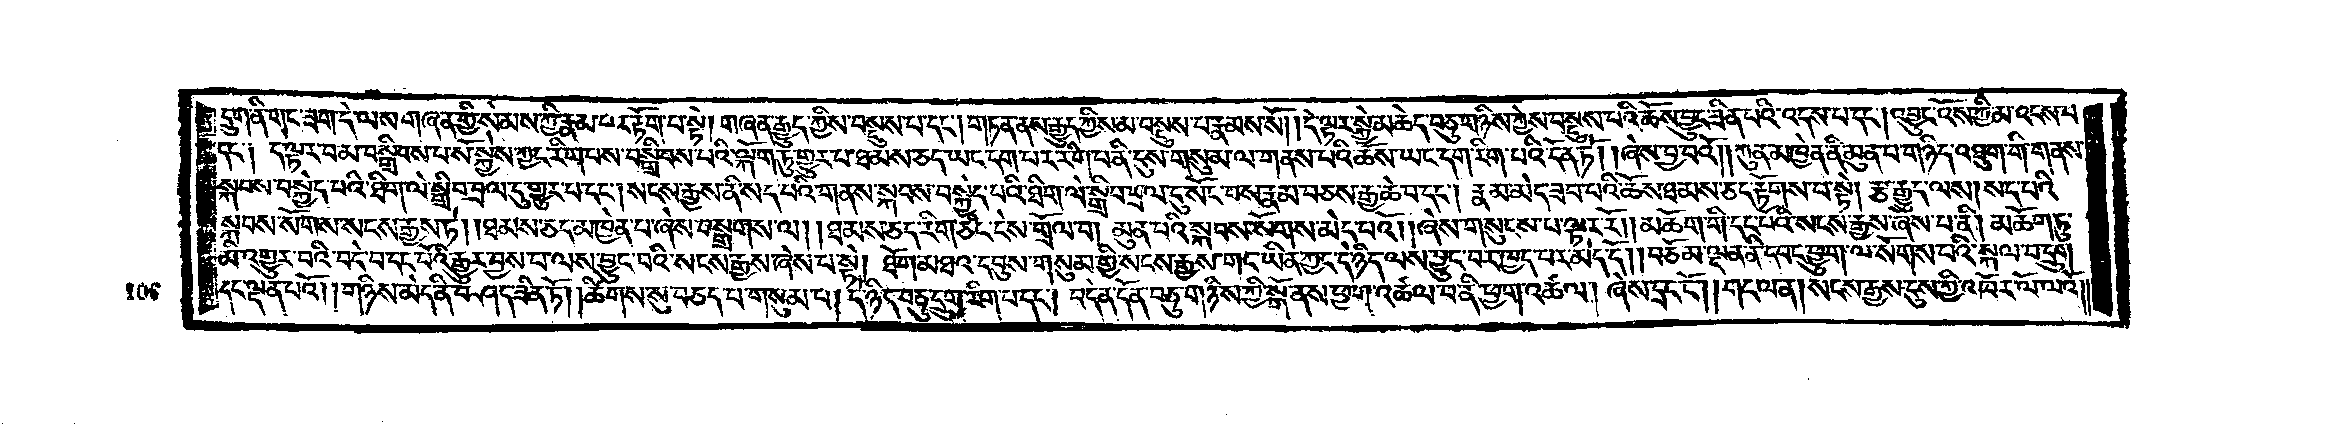དྲུག་ནི་གང་ཟག་དེ་ལས་གཞན་གྱི་སེམས་ཀྱི་རྣམ་པར་རྟོག་པ་སྟེ། གཞན་རྒྱུད་ཀྱིས་བསྡུས་པ་དང་། གཏན་ནས་རྒྱུད་ཀྱིས་མ་བསྡུས་པ་རྣམས་སོ། །དེ་ལྟར་སྐྱེ་མཆེད་བཅུ་གཉིས་ཀྱིས་བསྡུས་པའི་ཆོས་བྱུང་ཟིན་པའི་འདས་པ་དང་། འབྱུང་འོས་ཀྱི་མ་འདས་པ་
དང་། དེ་ལྟར་བ་མ་བསྒྲིབས་པ་སོ་སྐྱེས་ཀྱང་རིག་པས་བསྒྲིབས་པའི་ལྐོག་ཏུ་གྱུར་པ་ཐམས་ཅད་ཡང་དག་པར་རིག་པ་ནི་དུས་གསུམ་ལ་གནས་པའི་ཆོས་ཡང་དག་རིག་པའི་དོན་ཏོ། །ཞེས་བྱ་བའོ། །ཀུན་མཁྱེན་ནི་མུན་པ་གཉིད་འཐུག་གི་གནས་
སྐབས་བསྐྱེད་པའི་ཐིག་ལེ་སྒྲིབ་བྲལ་དུ་གྱུར་པ་དང་། སངས་རྒྱས་ནི་སད་པའི་གནས་སྐབས་བསྐྱེད་པའི་ཐིག་ལེ་སྒྲིབ་བྲལ་དུ་སོང་བས་རྣམ་བཅས་རྒྱ་ཆེ་བ་དང་། རྣམ་མེད་ཟབ་པའི་ཆོས་ཐམས་ཅད་རྟོགས་པ་སྟེ། རྩ་རྒྱུད་ལས། སད་པའི་
སྐབས་སོགས་སངས་རྒྱས་ཏེ། །ཐམས་ཅད་མཁྱེན་པ་ཞེས་བསྒྲགས་ལ། །ཐམས་ཅད་རིག་ཅིང་ངེས་གྲོལ་བ། མུན་པའི་སྐབས་སོགས་མེད་པའོ། །ཞེས་གསུངས་པ་ལྟར་རོ། །མཆོག་གི་དང་པོའི་སངས་རྒྱས་ཞེས་པ་ནི། མཆོག་ཏུ་
མི་འགྱུར་བའི་བདེ་བ་དང་པོའི་རྒྱུར་བྱས་པ་ལས་བྱུང་བའི་སངས་རྒྱས་ཞེས་པ་སྟེ། ཐོག་མཐའ་དབུས་གསུམ་གྱི་སངས་རྒྱས་གང་ཡིན་ཀྱང་དེ་ཉིད་ལས་བྱུང་བར་ཁྱད་པར་མེད་དོ། །བཅོམ་ལྡན་ནི་དབང་ཕྱུག་ལ་སོགས་པའི་སྐལ་བ་དྲུག་
དང་ལྡན་པའོ། །གཉིས་མེད་ནི་བཤད་ཟིན་ཏོ། །ཚིགས་སུ་བཅད་པ་གསུམ་པ། དེ་ཉིད་བཅུ་དྲུག་རིག་པ་དང་། བདེན་དོན་བཅུ་གཉིས་ཀྱི་སྒོ་ནས་ཕྱག་འཚལ་བ་ནི་ཕྱག་འཚལ། ཞེས་དྲང་ངོ། །གང་ལ་ན། སངས་རྒྱས་དུས་ཀྱི་འཁོར་ལོ་ལའོ།།